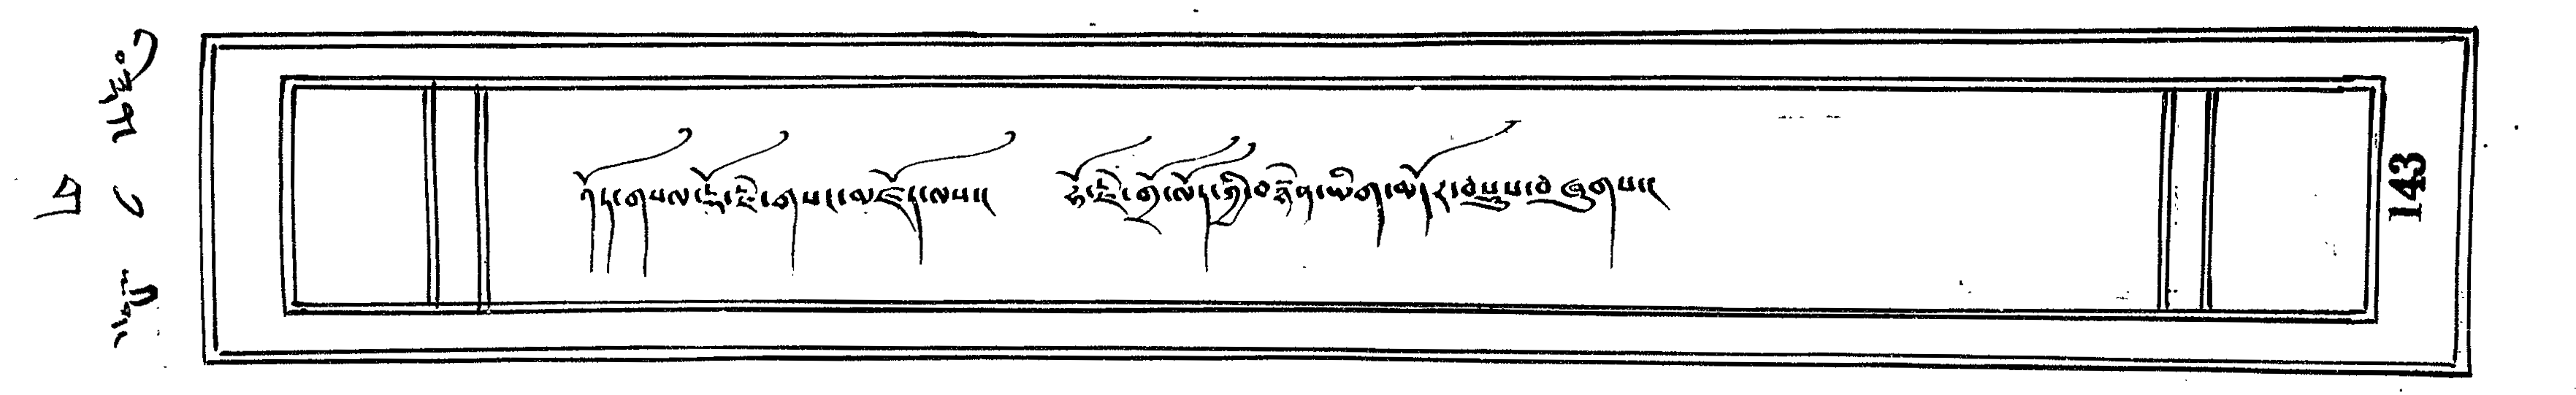འོད་གསལ་རྡོ་རྗེའི་གསང་མཛོད་ལས། རྡོ་རྗེ་གྲོ་ལོད་ཀྱི་བསྙེན་ཡིག་མདོར་བསྡུས་བཞུགས།།